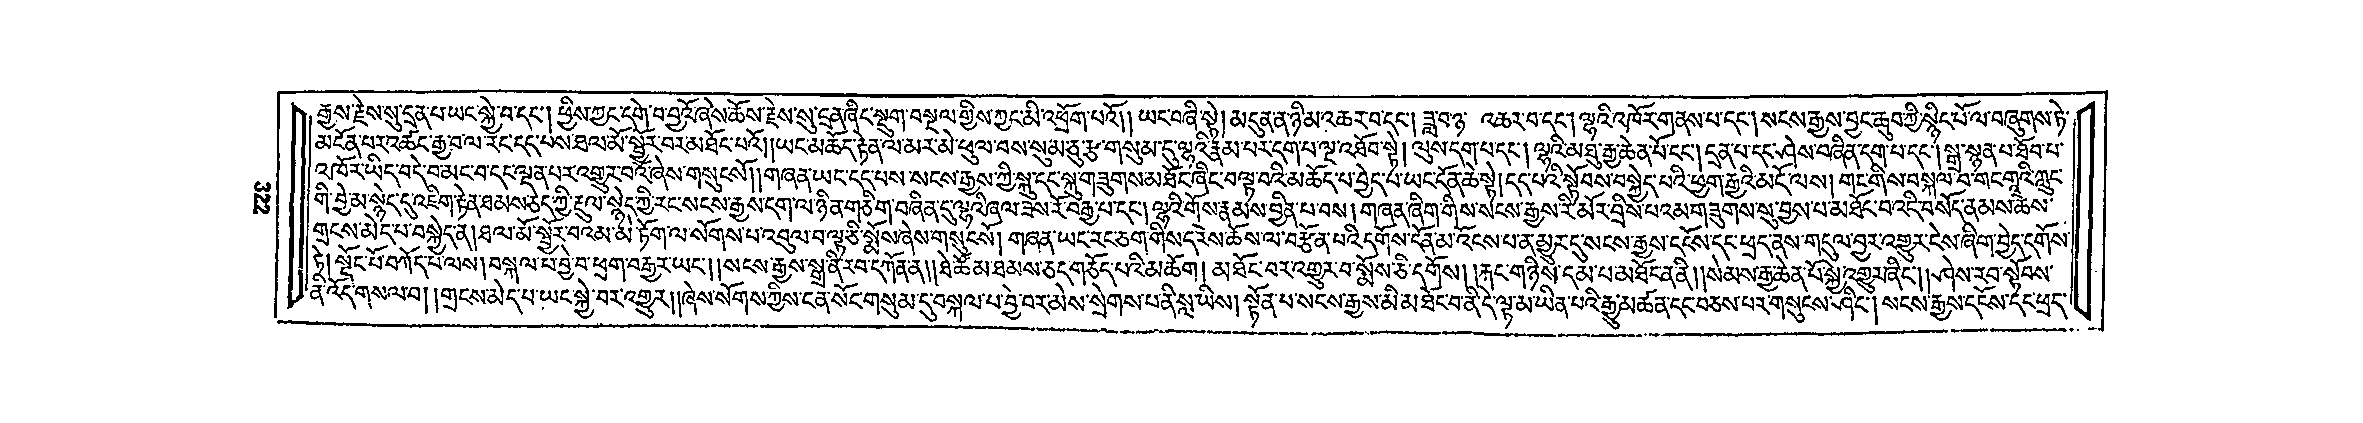རྒྱས་རྗེས་སུ་དྲན་པ་ཡང་སྐྱེ་བ་དང་། ཕྱིས་ཀྱང་དགེ་བ་བྱའོ་ཞེས་ཆོས་རྗེས་སུ་དྲན་ཞིང་སྡུག་བསྔལ་གྱིས་ཀྱང་མི་འཕྲོག་པའོ། །ཡང་བཞི་སྟེ། མདུན་ན་ཉི་མ་འཆར་བ་དང་། ཟླ་བ་ཉ་འཆར་བ་དང་། ལྷའི་འཁོར་གནས་པ་དང་། སངས་རྒྱས་བྱང་ཆུབ་ཀྱི་སྙིང་པོ་ལ་བཞུགས་ཏེ་
མངོན་པར་འཚང་རྒྱ་བ་ལ་རང་དད་པས་ཐལ་མོ་སྦྱོར་བར་མཐོང་པའོ། །ཡང་མཆོད་རྟེན་ལ་མར་མེ་ཕུལ་བས་སུམ་ཅུ་རྩ་གསུམ་དུ་ལྷའི་རྣམ་པར་དག་པ་ལྔ་འཐོབ་སྟེ། ལུས་དག་པ་དང་། ལྷའི་མཐུ་རྒྱ་ཆེན་པོ་དང་། དྲན་པ་དང་ཤེས་བཞིན་དག་པ་དང་། སྒྲ་སྙན་པ་ཐོབ་པ་
འཁོར་ཡིད་བདེ་བ་མང་བ་དང་ལྡན་པར་འགྱུར་བའོ་ཞེས་གསུངས་སོ། །གཞན་ཡང་དད་པས་སངས་རྒྱས་ཀྱི་སྐུ་དང་སྐུ་གཟུགས་མཐོང་ཞིང་བལྟ་བའི་མཆོད་པ་བྱེད་པ་ཡང་དོན་ཆེ་སྟེ། དད་པའི་སྟོབས་བསྐྱེད་པའི་ཕྱག་རྒྱའི་མདོ་ལས། གང་གིས་བསྐལ་བ་གང་གཱའི་ཀླུང་
གི་བྱེ་མ་སྙེད་དུ་འཇིག་རྟེན་ཐམས་ཅད་ཀྱི་རྡུལ་སྙེད་ཀྱི་རང་སངས་རྒྱས་དག་ལ་ཉིན་གཅིག་བཞིན་དུ་ལྷའི་ཞལ་ཟས་རོ་བརྒྱ་པ་དང་། ལྷའི་གོས་རྣམས་བྱིན་པ་བས། གཞན་ཞིག་གིས་སངས་རྒྱས་རི་མོར་བྲིས་པའམ་གཟུགས་སུ་བྱས་པ་མཐོང་བ་འདི་བསོད་ནམས་ཆེས་
གྲངས་མེད་པ་བསྐྱེད་ན། ཐལ་མོ་སྦྱོར་བའམ་མེ་ཏོག་ལ་སོགས་པ་འབུལ་བ་ལྟ་ཅི་སྨོས་ཞེས་གསུངས་སོ། གཞན་ཡང་རང་ཅག་གིས་ད་རེས་ཆོས་ལ་བརྩོན་པའི་དགོས་དོན་མ་འོངས་པ་ན་མྱུར་དུ་སངས་རྒྱས་དངོས་དང་ཕྲད་ནས་གདུལ་བྱར་འགྱུར་ངེས་ཞིག་བྱེད་དགོས་
ཏེ། སྡོང་པོ་བཀོད་པ་ལས། བསྐལ་བ་བྱེ་བ་ཕྲག་བརྒྱར་ཡང་། །སངས་རྒྱས་སྒྲ་ནི་རབ་དཀོན་ན། །ཐེ་ཚོམ་ཐམས་ཅད་གཅོད་པའི་མཆོག །མཐོང་བར་འགྱུར་བ་སྨོས་ཅི་དགོས། །རྐང་གཉིས་དམ་པ་མཐོང་ན་ནི། །སེམས་རྒྱ་ཆེན་པོ་སྐྱེ་འགྱུར་ཞིང་། །ཤེས་རབ་སྟོབས་
ནི་འོད་གསལ་བ། །གྲངས་མེད་པ་ཡང་སྐྱེ་བར་འགྱུར། །ཞེས་སོགས་ཀྱིས་ངན་སོང་གསུམ་དུ་བསྐལ་པ་བྱེ་བར་མེས་སྲེགས་པ་ནི་སླ་ཡིས། སྟོན་པ་སངས་རྒྱས་མི་མཐོང་བ་ནི་དེ་ལྟ་མ་ཡིན་པའི་རྒྱུ་མཚན་དང་བཅས་པར་གསུངས་ཤིང་། སངས་རྒྱས་དངོས་དང་ཕྲད་